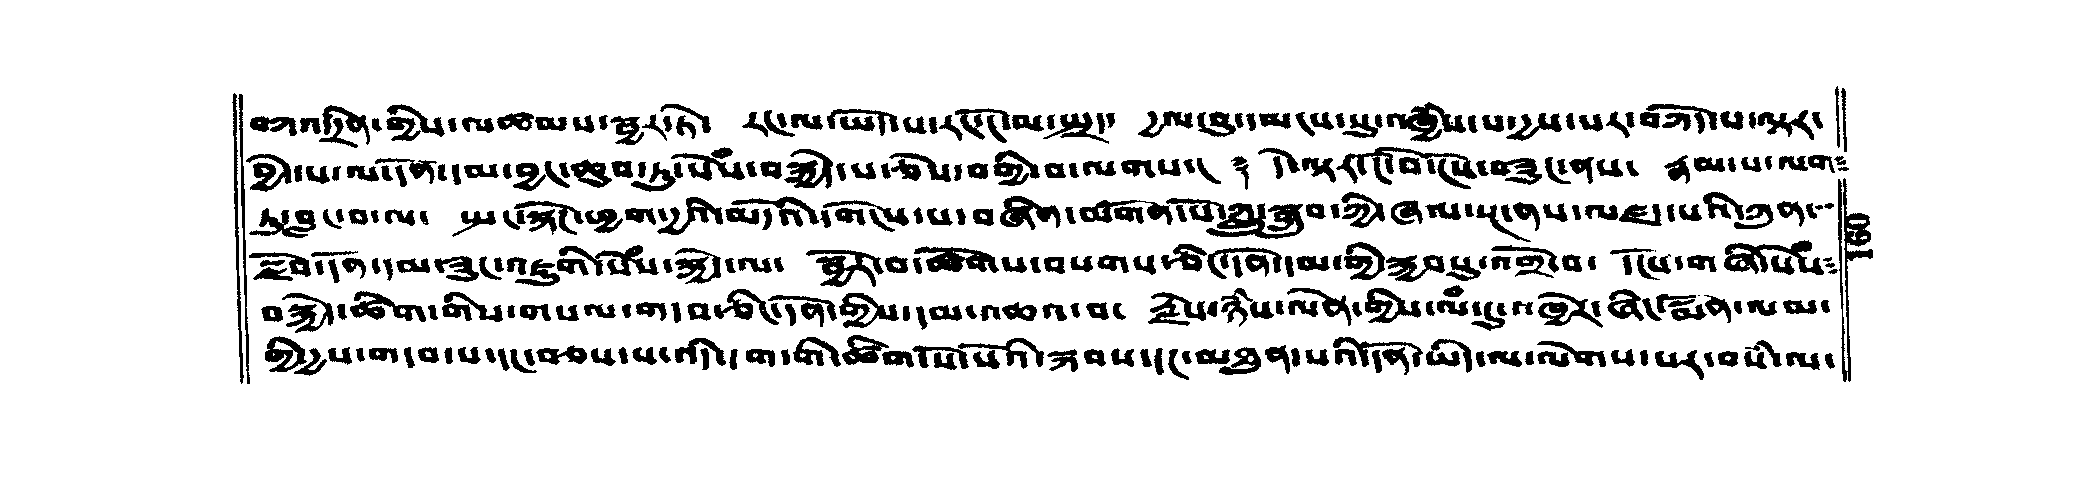བཀའ་དྲིན་གྱིས་མཚམས་སྦྱར་ཏེ། རང་ལ་ཡོད་པ་རང་ངོ་མ་སྤྲད། རྒྱལ་བུ་དམངས་སུ་འཁྱམས་པ་རྒྱས་པར་བཀོད་པ་ལྟར་
བྱེད་པ་ལ་དོན་དམ་བྱང་ཆུབ་ཏུ་སེམས་བསྐྱེད་པ་ཅེས་བགྱི་བ་ལགས། ༈ དེ་ལྟར་ངོ་བོ་ངོས་བཟུང་ནས། རྣམ་པ་ལག་
ཏུ་བླང་བ་ལ། སྤང་སྐོང་ཕྱག་རྒྱའི་མདོའི་དགོངས་པ་བཞིན་མགོན་པོ་ཀླུ་སྒྲུབ་ཀྱི་ཞལ་སྔ་ནས་མཛད་པའི་ཀུན་
རྫོབ་དོན་དམ་ཟུང་འཇུག་གི་སེམས་བསྐྱེད་ལ། སྦྱོར་བ་ཚོགས་བསགས་ཅིང་དོན་དམ་གྱི་སྐྱབས་སུ་འགྲོ་བ། དངོས་གཞི་སེམས་
བསྐྱེད་ཚིག་གིས་གསལ་གདབ་ཅིང་དོན་གྱིས་དམ་འཆའ་བ། རྗེས་ཉམས་ལེན་གྱིས་ལམ་དུ་འཁྱེར་ཞིང་སྨོན་ལམ་
གྱི་རྒྱས་གདབས་པ་དག་བཅས་པ་འདི་དག་གི་ཚིག་སོ་སོའི་སྐབས་དང་མཐུན་པའི་དོན་ཡིད་ལ་ལེགས་པར་བསམ་ལ་